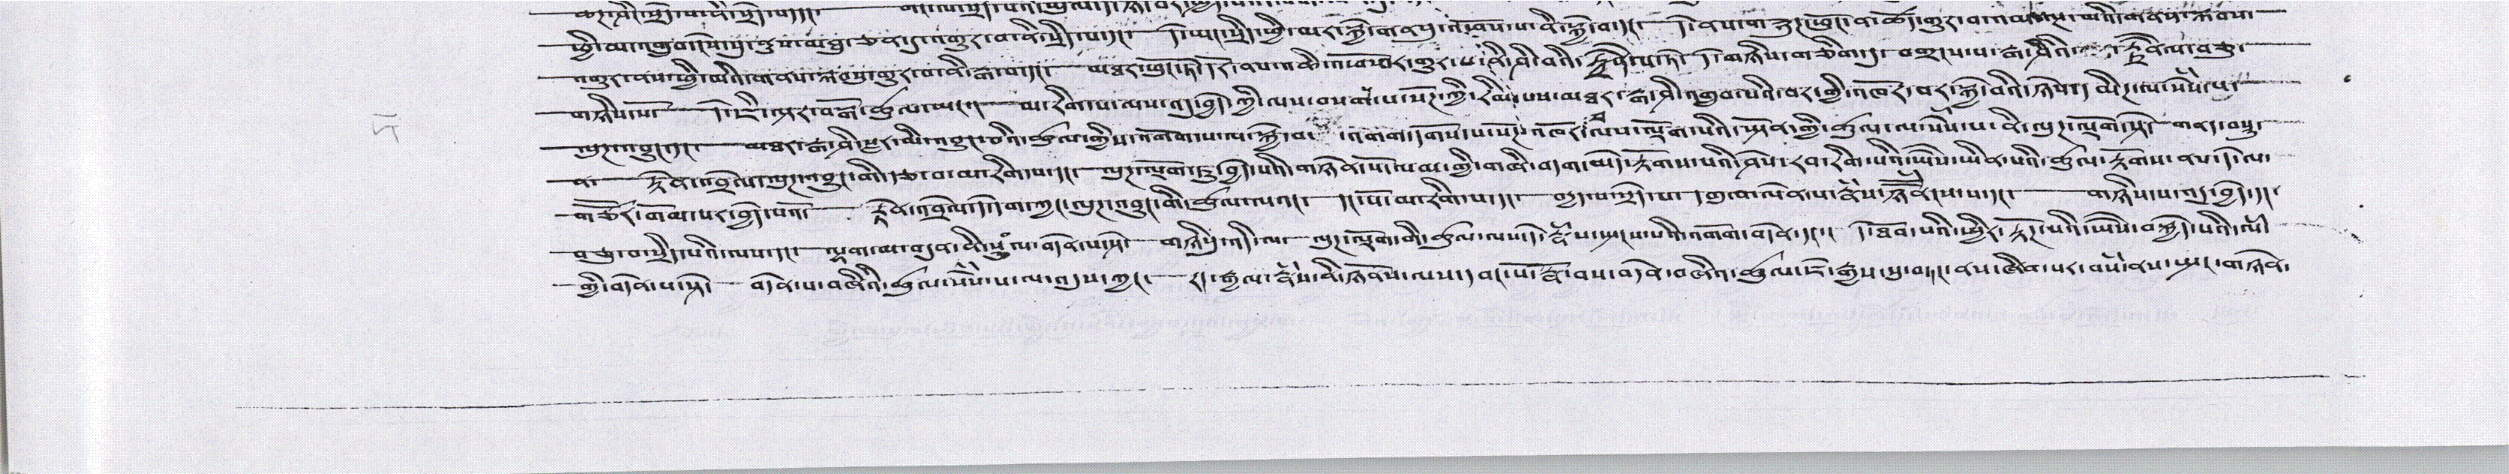ཆགས་ཤིང་སྲེད་པ་ནི་སྲེད་པ་དང་། གང་ལ་སྲེད་པའི་ཡུལ་དེ་ཉེ་བར་སྤྱོད་པ་༼འདིར་མ་དཔེ་ལས་མི་གསལ༽
ཕྱི་མ་འགྲུབ་ངེས་སུ་ནུས་མཐུ་ཅན་དུ་འགྱུར་བའི་སྲིད་པ་དང་། དེ་ཡང་སྲིད་ཕྱི་མར་སྐྱེ་གནས་སུ་འཕོས་པའི་སྐྱེ་བ་དང་། དེ་ནས་གཟུགས་ཕུང་པོ་ན་ཚོད་འགྱུར་བའམ་སྔ་མའི་གནས་སྐབས་
འགྱུར་ནས་ཕྱི་མའི་གནས་སྐབས་སུ་གྱུར་པ་ནི་རྒ་བ་དང་། མཐར་ཕུང་པོ་དེ་དོར་ནས་འཆི་འཕོ་བར་གྱུར་པ་ནི་ཤི་བའི་རྟེན་འབྲེལ་ཡིན་ཏེ། དེ་གཉིས་གཅིག་ཏུ་བགྲང་བ་རྒ་ཤིའི་རྟེན་འབྲེལ་བཅུ་
གཉིས་སོ། དེ་ཇི་ལྟར་བསྒོམ་ཚུལ་ཡང་། མ་རིག་པ་ལས་འདུ་བྱེད་ཀྱི་ལས་བསགས་པ་སོགས་ཀྱི་རིམ་པས་མཐར་རྒ་ཤི་འགྲུབ་པའི་བར་གྱི་འཁོར་བར་སྐྱེ་བའི་ཉེས་དམིགས་ལ་སེམས་པ་
ལུགས་འབྱུང་དང་། མཐར་རྒ་ཤི་སླར་མི་འབྱུང་བའི་ཚུལ་གྱིས་འགོག་པ་ལ་སྐྱེ་བ་འགོག་དགོས་པ་སོགས་འཁོར་བ་ལས་ལྡོག་པའི་ཡོན་ཏན་གྱི་ཚུལ་ལ་སེམས་པ་ཇི་ལྟར་ལུགས་ལྡོག་སྟེ་གནད་བསྡུ་
ན། རྟེན་འབྲེལ་ལུགས་འབྱུང་གི་རྩ་བ་མ་རིག་པ་དང་། ལུགས་ལྡོག་ཏུ་བྱེད་པའི་གཉེན་པོ་ལམ་གྱི་གཞི་བདག་མེད་རྟོགས་པའི་ཤེས་རབ་རིག་པའི་ཡེ་ཤེས་ཡིན་པའི་ཚུལ་རྟོགས་ནས་དེ་ལ་
གཙོ་བོར་གོམས་པར་བྱེད་པའོ། རྟེན་འབྲེལ་དེ་དག་ཀྱང་ལུགས་འབྱུང་གི་ཚུལ་ལའང་། དང་པོ་མ་རིག་པ་དང་། བརྒྱད་པ་སྲེད་པ། དགུ་པ་ལེན་པ་རྣམས་ཉོན་མོངས་པ་དང་། གཉིས་པ་འདུ་བྱེད་དང་། 
བཅུ་པ་སྲིད་པའི་ལས་དང་། ལྷག་མ་བདུན་ནི་སྡུག་བསྔལ་བདེན་པ་སྟེ་གཉིས་སུ་འདུ་ལ། ལུགས་ལྡོག་གི་ཚུལ་ལས་དེ་རྣམས་སྤངས་པའི་འགོག་བདེན་དང་། དེ་ཐོབ་པའི་ཕྱིར་རྟོགས་པའི་ཡེ་ཤེས་བསྐྱེད་པའི་ཕྱིར་ལམ་
གྱི་བདེན་པ་སྟེ། བདེན་པ་བཞིའི་ཚུལ་སེམས་པ་ལ་འདུས་ཀྱང་། རང་རྒྱལ་རྣམས་ནི་ཉན་ཐོས་ལས་དབང་པོ་རྣོ་བས་བདེན་བཞིའི་ཚུལ་ཇེ་རྒྱས་སུ་བཏང་ནས་ཞིབ་པར་བསམ་ནས་སྤང་གཉེན་